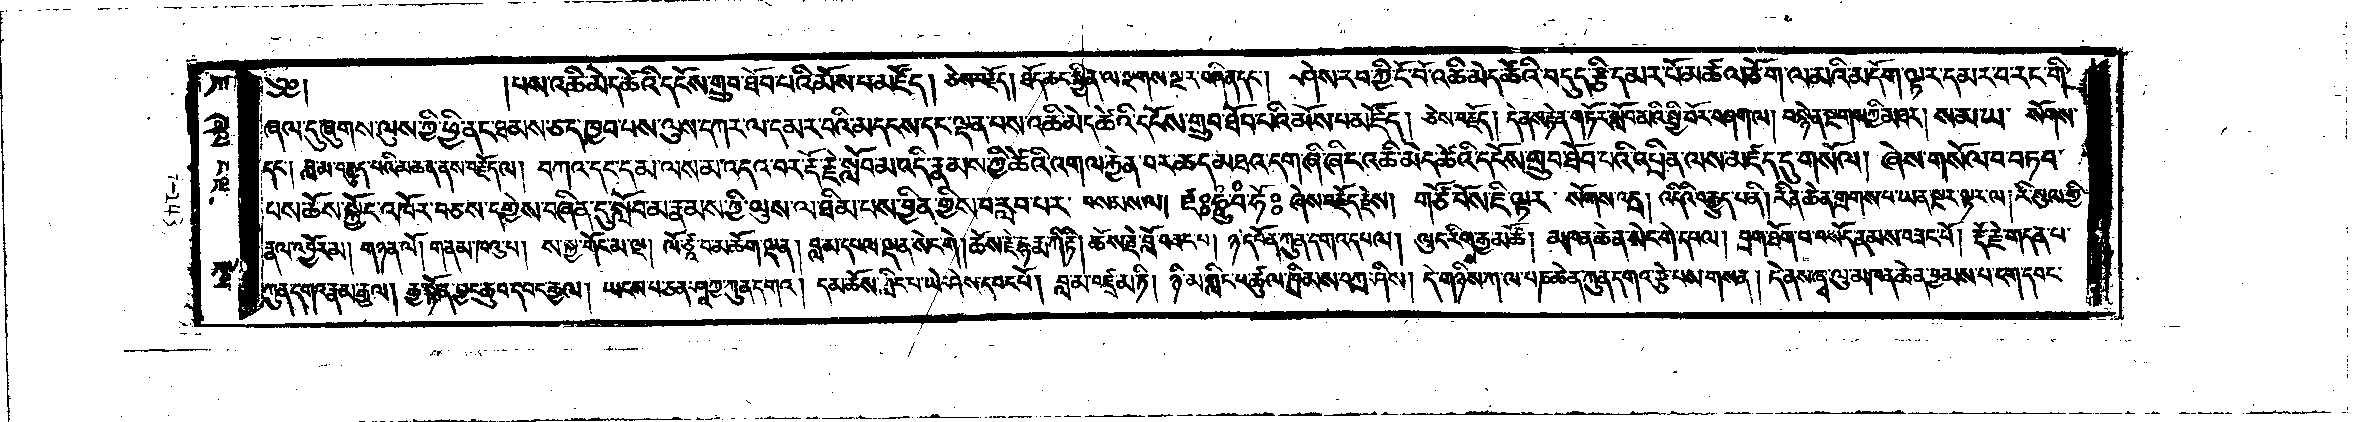༄༅། །པས་འཆི་མེད་ཚེའི་དངོས་གྲུབ་ཐོབ་པའི་མོས་བ་མཛོད། ཅེས་བརྗོད། ཐོད་ཆང་སྦྱིན་ལ་སྔགས་སྔར་བཞིན་དང་། ཤེས་རབ་ཀྱི་ངོ་བོ་འཆད་མེད་ཚོའི་བདུད་རྩི་དམར་པོ་མཚན་ཅོག་ལ་མའི་མདོག་ལྟ་དམར་པ་རང་གི་
ཞལ་དུ་ཞུགས་ལུས་ཀྱི་ཕྱི་ནང་ཐམས་ཅད་ཁྱབ་པས་ལུས་དཀར་ལ་དམར་པའི་མདངས་དང་ལྡན་པས་འཆི་མེད་ཚེའི་དངོས་གྲུབ་ཐོབ་པ་མོས་བ་མཛོད། ཅེས་བརྗོད། དེ་ནས་རྟེན་གཏོར་སློབ་མའི་སྤྱི་བོར་བཞག་ལ། བསྙེན་སྔགས་ཡི་མཐར། ས་མ་ཡ་སོགས་
དང་། བླ་མ་བརྒྱུད་པ་མཚན་ནས་བརྗོད་ལ། བཀའ་དང་དམ་ལས་མ་འདའ་བར་རྡོ་རྗེ་སློབ་མ་འདི་རྣམས་ཀྱི་ཚེ་འགལ་རྐྱེན་བར་ཆ་མཐའ་དག་ཞི་ཞིང་འཆི་མེད་ཏེའི་དངོས་གྲུབ་འཐོབ་པའི་འཕྲིན་ལས་མཛད་དུ་གསོལ། ཞེས་གསོལ་བ་བཏབ་
བས་ཆོས་སྐྱོང་འཁོར་བཅས་དབྱེས་བཞིན་དུ་སློབ་རྣམས་ཀྱི་ལུས་ལ་ཐིམ་པས་བྱིན་གྱིས་བརླབས་པར་བསམས་ལ། རྫཿཧཱུཾ་བཾ་ཧོཿ ཞེས་བརྗོད་རྗེས། གཙོ་བོས་ཇི་ལྟར་སོགས་འདྲ། འདིའི་བརྒྱུད་བ་ནི། རིན་ཆེན་གྲགས་བ་ཡན་སྔ་ལྟར་ཁ། རི་སུལ་གྱི་
རྣལ་འབྱོར་མ། གཉན་ལོ། གནམ་ཁའུ་བ། ས་ཀྱི་གང་མ་ལྔ། ལོ་ཙཱ་བ་མཆོག་ལྡན། བླ་མ་དཔལ་ལྡན་སེང་གེ། ཆོས་རྗེ་དྷ་རྨ་ཀྱི་རྟི། ཆོས་རྗེ་བློ་བཟང་པ། ཉ་དཔོན་ཀུན་དགའ་དཔལ། ལུང་རིག་རྒ་མོ། ཁན་ཆེན་སེང་གེ་དཔལ་བྲག་ཐོག་བསོད་རྣམས་བཟང་པོ། རྡོ་རྗེ་གདན་པ་
ཀུན་དགའ་རྣམ་རྒྱལ། རྒྱ་སྟོན་བྱང་ཆུབ་དབང་རྒལ། ཡངས་པ་ན་ཤཱཀྱ་ཀུན་དགའ། །དམ་ཆོས་གླིང་ག་ཡེ་ཤེས་དང་པོ། བླ་མ་འདྲི་མ་ཏི། ཉི་མ་གླིང་པ་ཚུལ་ཁྲིམས་བཀྲ་ཤི། དེ་གཉི་ཀ་ལ་པ་པན་ཆེན་ཀུན་དགའ་རྩེ་བས་གསན། དེ་ནས་ཞྭ་ལུ་མཁན་ཆེན་བྱམས་པ་ངག་དབང་